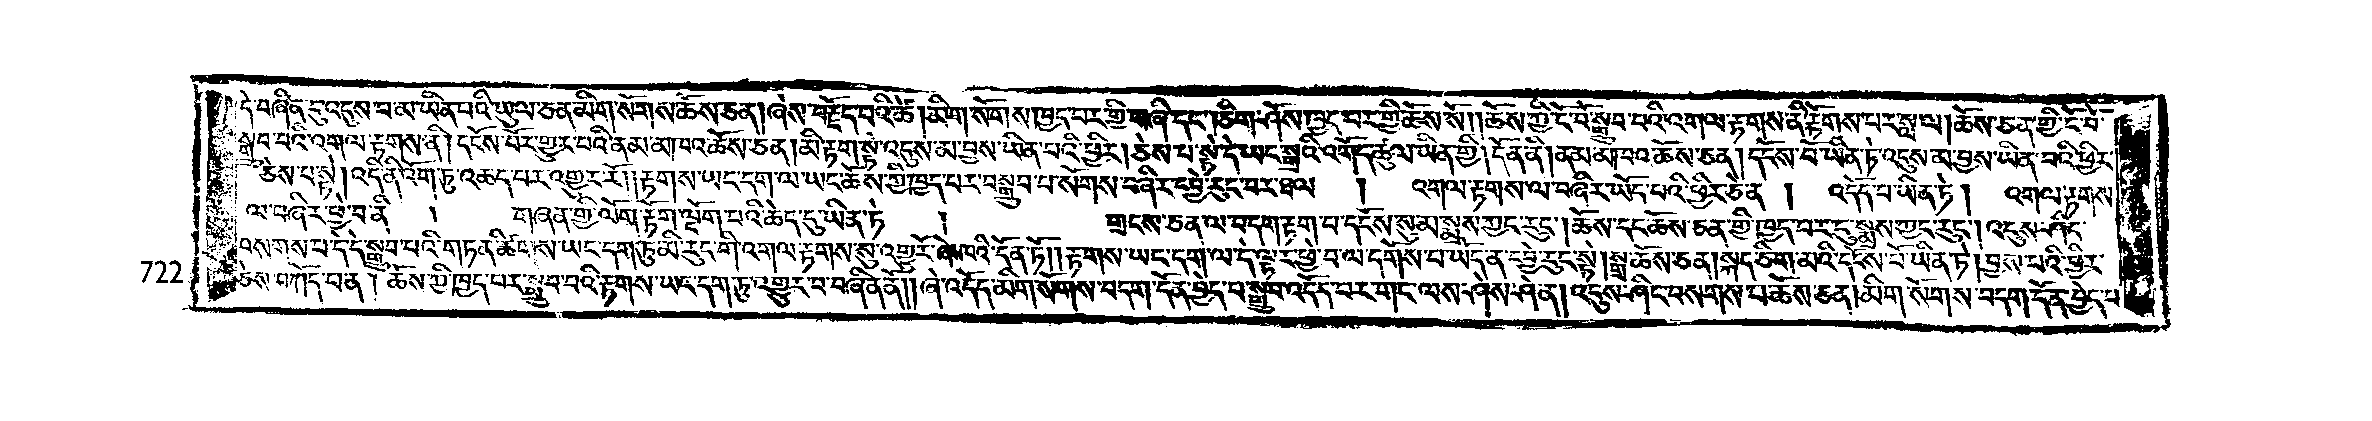དེ་བཞིན་དུ་པ་མ་ཡིན་པ་ཡུལ་ཅན་མིག་སོགས་ཆོས་ཅན། ཞེས་བརྗོད་པའི་ཚོ། མིག་སོགས་ཁྱད་པར་གྱི་གཞི་དང་། ཅིག་ཤོས་ཁྱད་པར་གྱི་ཆོས་སོ། །ཆོས་ཀྱི་ངོ་བོ་སྒྲུབ་པའི་འགལ་རྟགས་ནི་རྟོགས་པར་སྤལ་།ཆོས་ཅན་གྱི་ངོ་བོ་
སྒྲུབ་པའི་འགལ་རྟགས་ནི་།དངོས་པོར་གྱུར་པའི་ནམ་མཁའ་ཆོས་ཅན་།མི་རྟག་སྟེ་འདུས་མ་བྱས་ཡིན་པའི་ཕྱིར་།ཅེས་པ་སྟེ་དེ་ཡང་སྒྲའི་འགོད་ཚུལ་ཡིན་གྱི། དོན་ནི། ནམ་མཁའ་ཆོས་ཅན་།དངོས་བོ་ཡིན་ཏེ་འདུས་མ་བྱས་ཡིན་པའི་ཕྱིར་
ཅེས་པ་སྟེ། འདི་ནི་འོག་ཏུ་འཆད་པར་འགྱུར་རོ། །རྟགས་ཡང་དག་ལ་ཡང་ཆོས་ཀྱི་ཁྱད་པར་བསྒྲུབ་པ་སོགས་བཞིར་དབྱེ་རུང་བར་ཐལ། ། འགལ་རྟགས་ལ་བཞིར་ཡོད་པའི་ཕྱིར་ཅེ་ན་། འདོད་པ་ཡིན་ཏེ། འགལ་རྟགས་
ལ་བཞིར་ཕྱེ་བ་ནི་། གཞན་གྱི་ལོག་རྟོག་ལྡོག་པའི་ཆེད་དུ་ཡིན་ཏེ། གྲངས་ཅན་ལ་བདག་རྟག་པ་དངོས་སུ་མ་སྨྲས་ཀྱང་རུང་།ཆོས་དང་ཆོས་ཅན་གྱི་ཁྱད་པར་དུ་སྨྲས་ཀྱང་རུང་།འདུས་ཤིང་
བསགས་པ་དེ་དེ་སྒྲུབ་པའི་གཏན་ཚིགས་ཡང་དག་ཏུ་མི་རུང་གི་འགལ་རྟགས་སུ་འགྱུར་རོ་ཞེས་བའི་དོན་ཏོ། །རྟགས་ཡང་དག་ལ་དེ་ལྟར་ཕྱེ་བ་ལ་དགོས་པ་ཡོད་ན་དབྱེར་རུང་སྟེ་།སྒྲ་ཆོས་ཅན་།སྐད་ཅིག་མའི་དངོས་པོ་ཡིན་ཏེ་།བྱས་པའི་ཕྱིར་
དྕེས་བཀོད་པ་ན་།ཆོས་ཀྱི་ཁྱད་པར་སྒྲུབ་པའི་རྟགས་ཡང་དག་ཏུ་འགྱུར་བ་བཞིན་ནོ། །ཞེ་འདོད་མིག་སོགས་བདག་དོན་བྱེད་པ་སྒྲུབ་འདོད་པར་གང་ལས་ཤེས་ཤེ་ན་།འདུས་ཤིང་བསགས་པ་ཆོས་ཅན་།མིག་སོགས་བདག་དོན་བྱེད་པ་